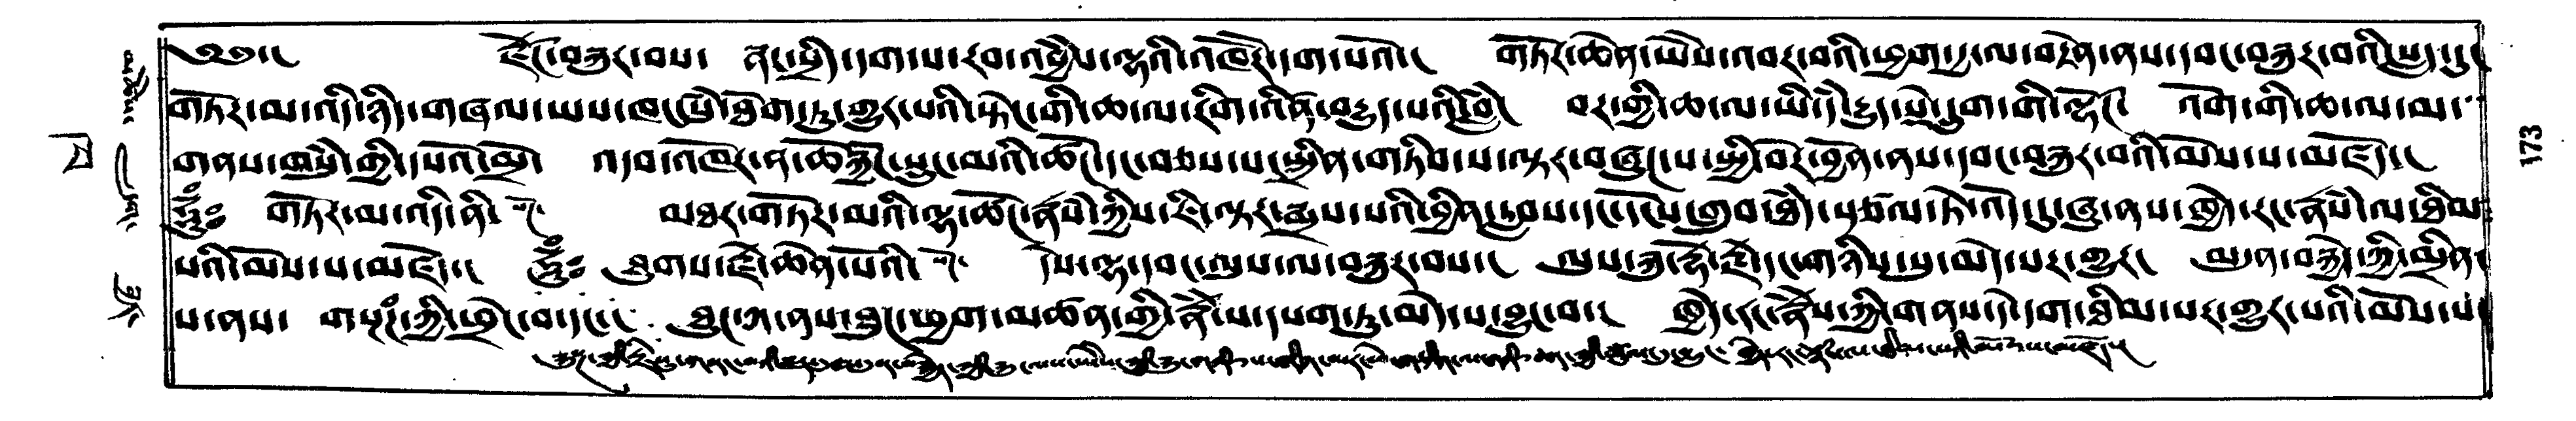རྫོགས་བསྐུར་བས། སྣང་སྲིད་དག་པ་རབ་འབྱམས་ལྷའི་འཁོར་ལོ་དག་པའོ།། གཏོར་ཆེན་ཡེ་ཤེས་འབར་བའི་ཕྱག་རྒྱ་ལ་བརྟེན་ནས་དབང་བསྐུར་བའི་སླད་དུ་
གཏོར་མ་འདི་ཉིད་གཞལ་ཡས་ཁང་སུམ་ཐོག་ཏུ་གྱུར་པའི་སྟེང་གི་ཆ་ལ་རིག་འཛིན་བརྒྱུད་པའི་བླ་མ། བར་གྱི་ཆ་ལ་ཡི་དམ་རྒྱུད་སྡེ་དྲུག་གི་ལྷ་ཚོགས། འོག་གི་ཆ་ལ་མ་
གནས་གསུམ་གྱི་དཔའ་བོ་མཁའ་འགྲོ། འདབ་འཁོར་ན་ཆོས་སྐྱོང་སྲུང་མའི་ཚོགས་དང་བཅས་པ་སྤྲིན་གཏིབ་པ་ལྟར་བཞུགས་པ་སྤྱི་བོར་བྱོན་ནས་དབང་བསྐུར་བའི་མོས་པ་མཛོད། 
ཧཱུྃཿ གཏོར་མ་འདི་ནི། སོགས། མཐར་གཏོར་མའི་ལྷ་ཚོགས་རྣམས་ཀྱིས་ཇི་ལྟར་སྨྲས་པའི་བྱིན་བརླབས་དང་དངོས་གྲུབ་ཐམས་ཅད་བསྩལ་ཏེ་འོད་དུ་ཞུ་ནས་ཁྱེད་རང་རྣམས་ལ་ཐིམ་
པའི་མོས་པ་མཛོད། ཧཱུྃཿ ཐུགས་རྗེ་ཆེན་པོའི། སོགས། དེས་ལྷ་དབང་ལུས་ལ་བསྐུར་བས།ལུས་སྐུ་རྡོ་རྗེ་དང་གཉིས་སུ་མེད་པར་གྱུར། མདུན་བསྐྱེད་ཀྱི་མགྲྀན་
པ་ནས། གསང་སྔགས་ཀྱི་ཕྲེང་བ་དང་། ཐུགས་ཀ་ནས་ཐུགས་ཕྱག་མཚན་གྱི་རྣམ་པ་དཔག་ཏུ་མེད་པ་བྱུང་བ། ཁྱེད་རང་རྣམས་ཀྱི་གནས་དེ་དག་ཐིམ་པར་གྱུར་པའི་མོས་པ་